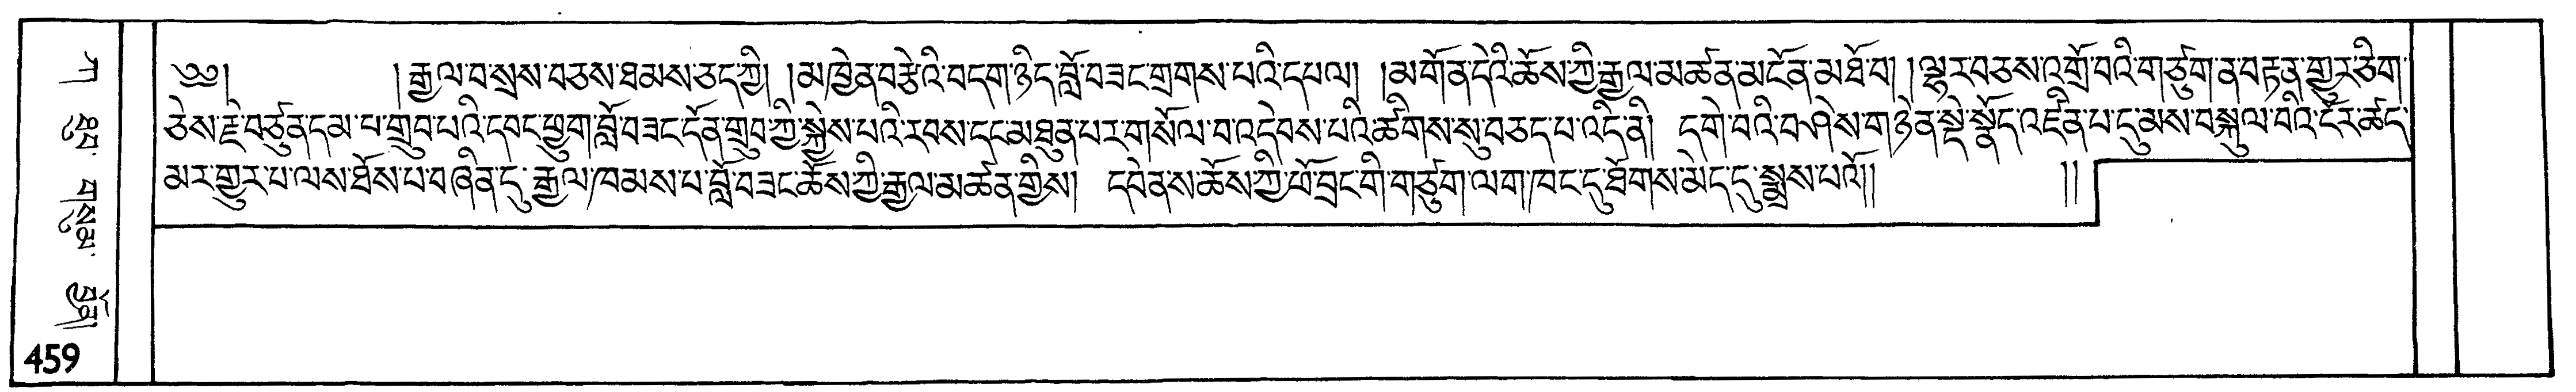༄༅། །རྒྱལ་བ་སྲས་བཅས་ཐམས་ཅད་ཀྱི། །མཁྱེན་བརྩེའི་བདག་ཉིད་བློ་བཟང་གྲགས་པའི་དཔལ། །མགོན་དེའི་ཆོས་ཀྱི་རྒྱལ་མཚན་མངོན་མཐོ་བ། །ལྷར་བཅས་འགྲོ་བའི་གཙུག་ན་བརྟན་གྱུར་ཅིག་
ཅེས་རྗེ་བཙུན་དམ་པ་གྲུབ་པའི་དབང་ཕྱུག་བློ་བཟང་དོན་གྲུབ་ཀྱི་སྐྱེས་པའི་རབས་དང་མཐུན་པར་གསོལ་བ་འདེབས་པའི་ཚིགས་སུ་བཅད་པ་འདི་ནི། དགེ་བའི་བཤེས་གཉེན་སྡེ་སྣོད་འཛིན་པ་དུ་མས་བསྐུལ་བའི་ངོར་ཚད་
མར་གྱུར་པ་ལས་ཐོས་པ་བཞིན་དུ་རྒྱལ་ཁམས་པ་བློ་བཟང་ཆོས་ཀྱི་རྒྱལ་མཚན་གྱིས། དབེན་ས་ཆོས་ཀྱི་ཕོ་བྲང་གི་གཙུག་ལག་ཁང་དུ་ཐོགས་མེད་དུ་སྨྲས་པའོ།། །།